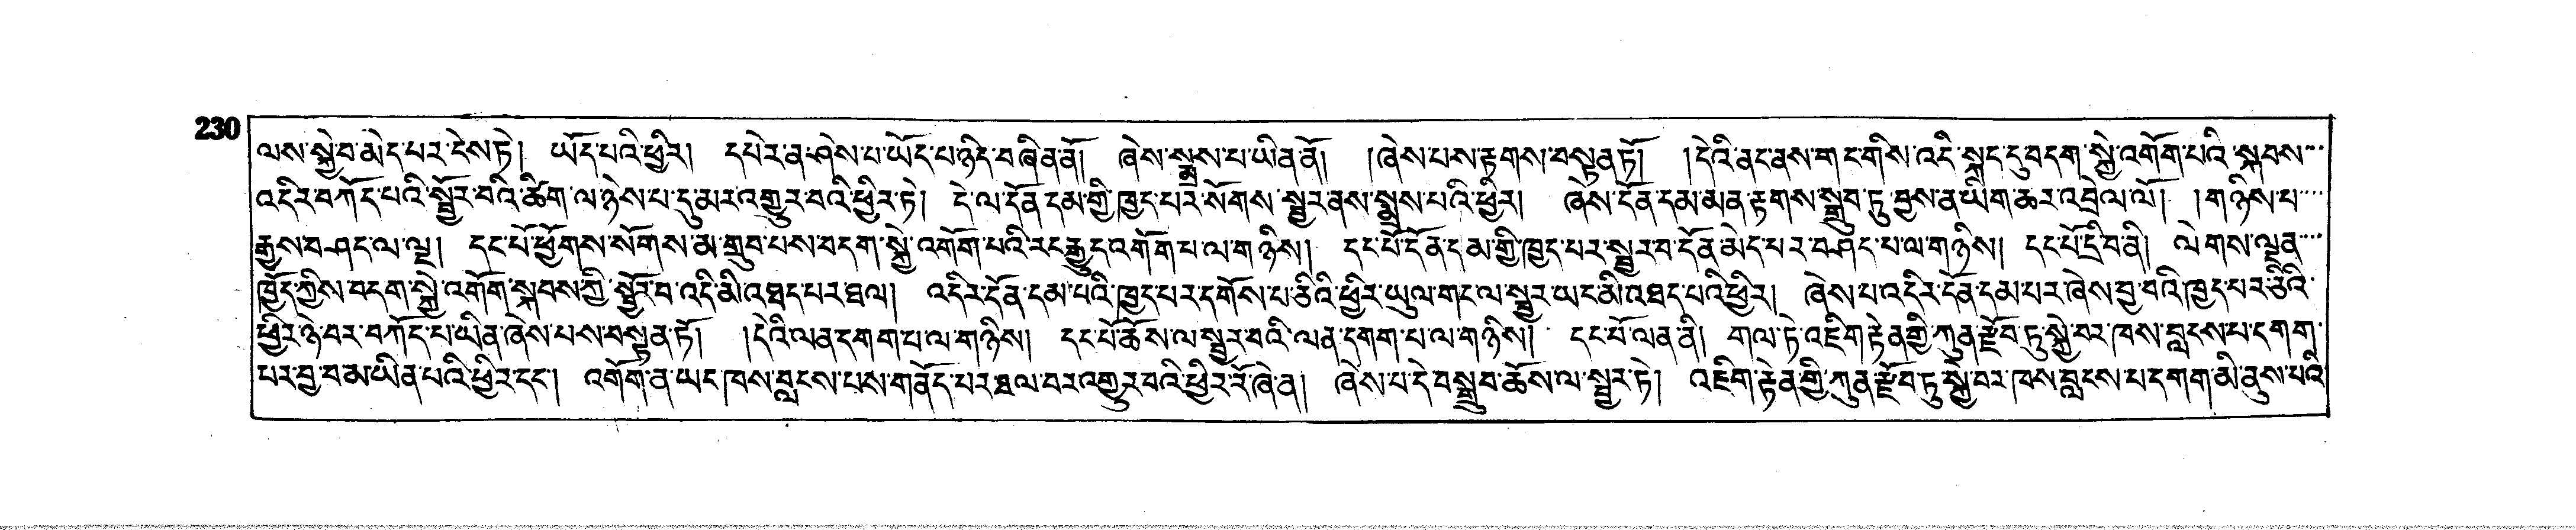ལས་སྐྱེ་བ་མེད་པར་ངེས་ཏེ། ཡོད་པའི་ཕྱིར། དཔེར་ན་ཤེས་པ་ཡོད་པ་ཉིད་བཞིན་ནོ། ཞེས་སྨྲས་པ་ཡིན་ནོ། །ཞེས་པས་རྟགས་བསྟན་ཏོ། །དེའི་ནང་ནས་གང་གིས་འདི་སྐད་དུ་བདག་སྐྱེ་འགོག་པའི་སྐབས་
འདིར་བཀོད་པའི་སྦྱོར་བའི་ཚིག་ལ་ཉེས་པ་དུ་མར་འགྱུར་བའི་ཕྱིར་ཏེ། དེ་ལ་དོན་དམ་གྱི་ཁྱད་པར་སོགས་སྦྱར་ནས་སྨྲས་པའི་ཕྱིར། ཞེས་དོན་དམ་མན་རྟགས་སྒྲུབ་ཏུ་བྱས་ན་ཡིག་ཆར་འབྲེལ་ལོ། །གཉིས་པ་
རྒྱས་བཤད་ལ་ལྔ། དང་པོ་ཕྱོགས་སོགས་མ་གྲུབ་པས་བདག་སྐྱེ་འགོག་པའི་རང་རྒྱུད་འགོག་པ་ལ་གཉིས། དང་པོ་དོན་དམ་གྱི་ཁྱད་པར་སྦྱར་བ་དོན་མེད་པར་བཤད་པ་ལ་གཉིས། དང་པོ་དྲི་བ་ནི། ལེགས་ལྡན་
ཁྱོད་ཀྱིས་བདག་སྐྱེ་འགོག་སྐབས་ཀྱིས་སྦྱོར་བ་འདི་མི་འཐད་པར་ཐལ། འདིར་དོན་དམ་པའི་ཁྱད་པར་དགོས་པ་ཅིའི་ཕྱིར་ཡུལ་གང་ལ་སྦྱར་ཡང་མི་འཐད་པའི་ཕྱིར། ཞེས་པ་འདིར་དོན་དམ་པར་ཞེས་བྱ་བའི་ཁྱད་པར་ཅིའི་
ཕྱིར་ཉེ་བར་བཀོད་པ་ཡིན་ཞེས་པས་བསྟན་ཏོ། །དེའི་ལན་དགག་པ་ལ་གཉིས། དང་པོ་ཆོས་ལ་སྦྱར་བའི་ལན་དགག་པ་ལ་གཉིས། དང་པོ་ལན་ནི། གལ་ཏེ་འཇིག་རྟེན་གྱི་ཀུན་རྫོབ་ཏུ་སྐྱེ་བར་ཁས་བླངས་པ་དགག་
པར་བྱ་བ་མ་ཡིན་པའི་ཕྱིར་དང་། འགོག་ན་ཡང་ཁས་བླངས་པས་གནོད་པར་ཐལ་བར་འགྱུར་བའི་ཕྱིར་རོ་ཞེ་ན། ཞེས་པ་དེ་བསྒྲུབ་ཆོས་ལ་སྦྱར་ཏེ། འཇིག་རྟེན་གྱི་ཀུན་རྫོབ་ཏུ་སྐྱེ་བར་ཁས་བླངས་པ་དགག་མི་ནུས་པའ་